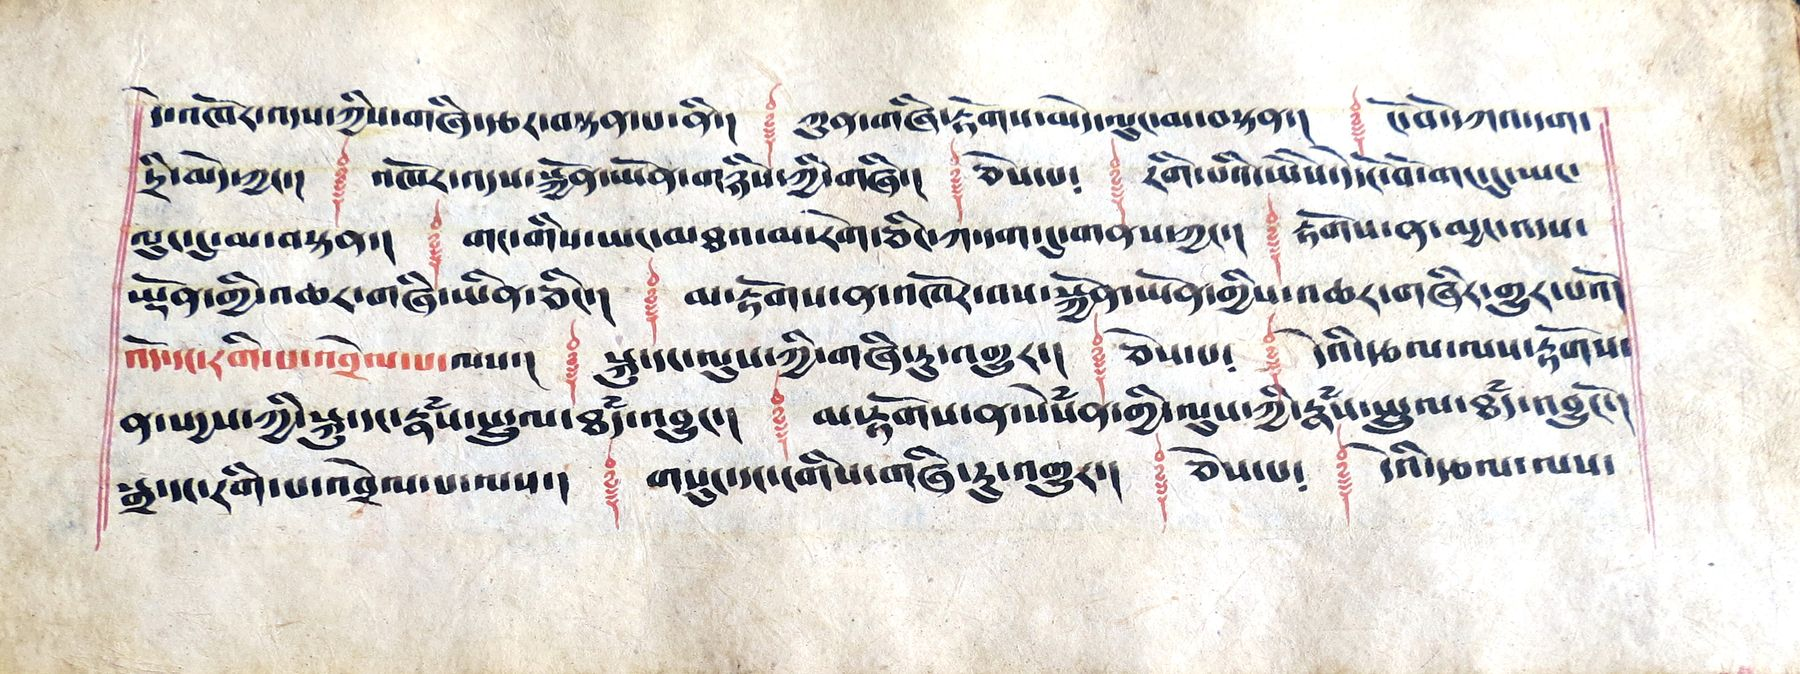དེ་འཁོར་འདས་ཀྱི་གཞི་རྩར་བསྟན་པ་ནི། ཀུན་གཞི་རྟོག་མེད་ལུང་མ་བསྟན། ངོ་བོ་ཀ་དག་
དྲི་མེད་ཀྱང་། འཁོར་འདས་སྐྱོན་ཡོན་གཉིས་ཀྱི་གཞི། །ཞེས་པས་རིག་པའི་ཡེ་ཤེས་དེ་ངོ་བོ་གང་དུ་ཡང་
ལུང་དུ་མ་བསྟན། གང་གི་ཡང་མཐའ་མ་རེག་ཅིང་ཀ་དག་ཏུ་གནས་ཀྱང་། རྟོགས་ན་མྱང་འདས་
ཡོན་ཏན་གྱི་འཆར་གཞིར་ཡིན་ཅིང་། མ་རྟོགས་ན་འཁོར་བ་སྐྱོན་གྱི་འཆར་གཞིར་གྱུར་བའོ། །
འོད་དང་རིག་པ་འབྲེལ་བ་ལས། སྐུ་དང་ལུས་ཀྱི་གཞི་རུ་གྱུར། །ཅེས་པས་དེའི་རྩལ་ལས་རྟོགས་
ན་སངས་རྒྱས་ཀྱི་སྐུ་དང་རྣམ་སྤྲུལ་ཐམས་ཅད་འབྱུང་ངོ་། །མ་རྟོགས་ན་སེམས་ཅན་ལུས་ཀྱི་རྣམ་སྤྲུལ་ཐམས་ཅད་འབྱུང་ངོ་། 
སྒྲ་དང་རིག་པ་འབྲེལ་བ་ལས། གསུང་དང་ངག་གི་གཞི་རུ་གྱུར་ཅེས་པས། དེའི་རྩལ་ལས་